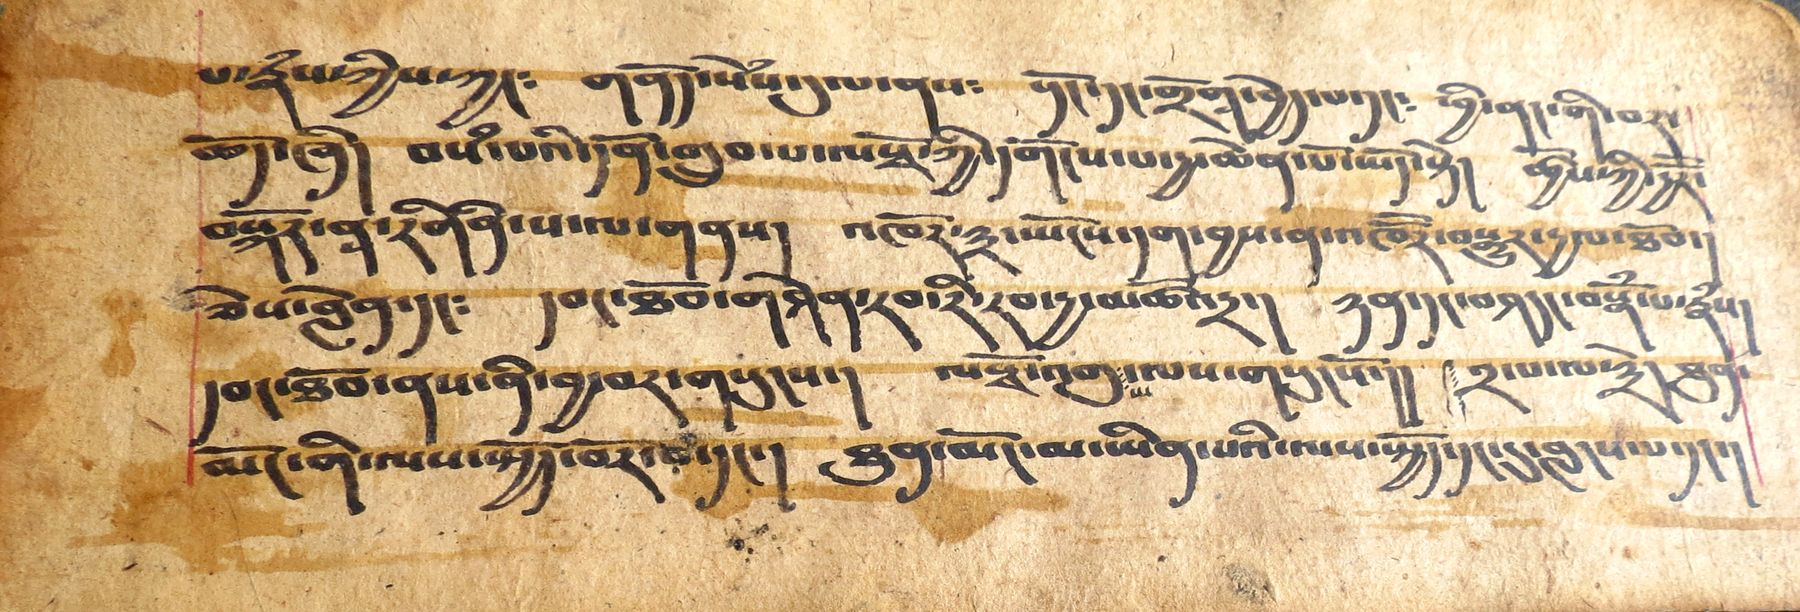རྣམས་ཀྱི་ཡང་གནོད་སེམས་དུལ་ནས་སྡོང་དང་གྲོགས་བྱེད་པ་དང་། ཕྱི་ནང་གི་བར་
ཆོད་ཞི་ཞིང་བསམ་པའི་དོན་འགྲུབ་པ་ལ་སོགས་ཀྱི་དགོས་པ་རྒྱ་ཆེན་པོ་ཡོད་དེ། ཚོགས་ཀྱི་འཁོར་ལོ་
བསྐོར་ན་རིག་འཛིན་ས་ལ་གནས། འཁོར་གསུམ་ཡང་དག་བྱས་ན་འཁོར་ལོ་བསྒྱུར་རྒྱལ་ཐོབ། 
ཅེས་བླ་ཆེན་དང་། དབང་ཐོབ་གཤེན་རབ་རི་རབ་རྒྱ་མཚོ་འདྲ། ཉན་དང་བཤད་དང་བསྒོམ་པ་རྣམས། 
དབང་ཐོབ་ནས་ནི་བྱ་བར་གསུངས། ཅེས་པ་ལ་སོགས་འགུ་ཡ་ལས་གསུངས་སོ། གཉིས་པ་ལ་༼དབང་བཞིས་རྒྱུད་ཡོངས་སུ་འདུལ་བ༽ལ་གསུམ་ཏེ། ཐུན་
ང་གི་ལས་སྤྱོད་བོར་བ་དང་། ཐུན་མོངས་མ་ཡིན་པའི་ལས་སྤྱོད་དང་དུ་བླང་བ་དང་།